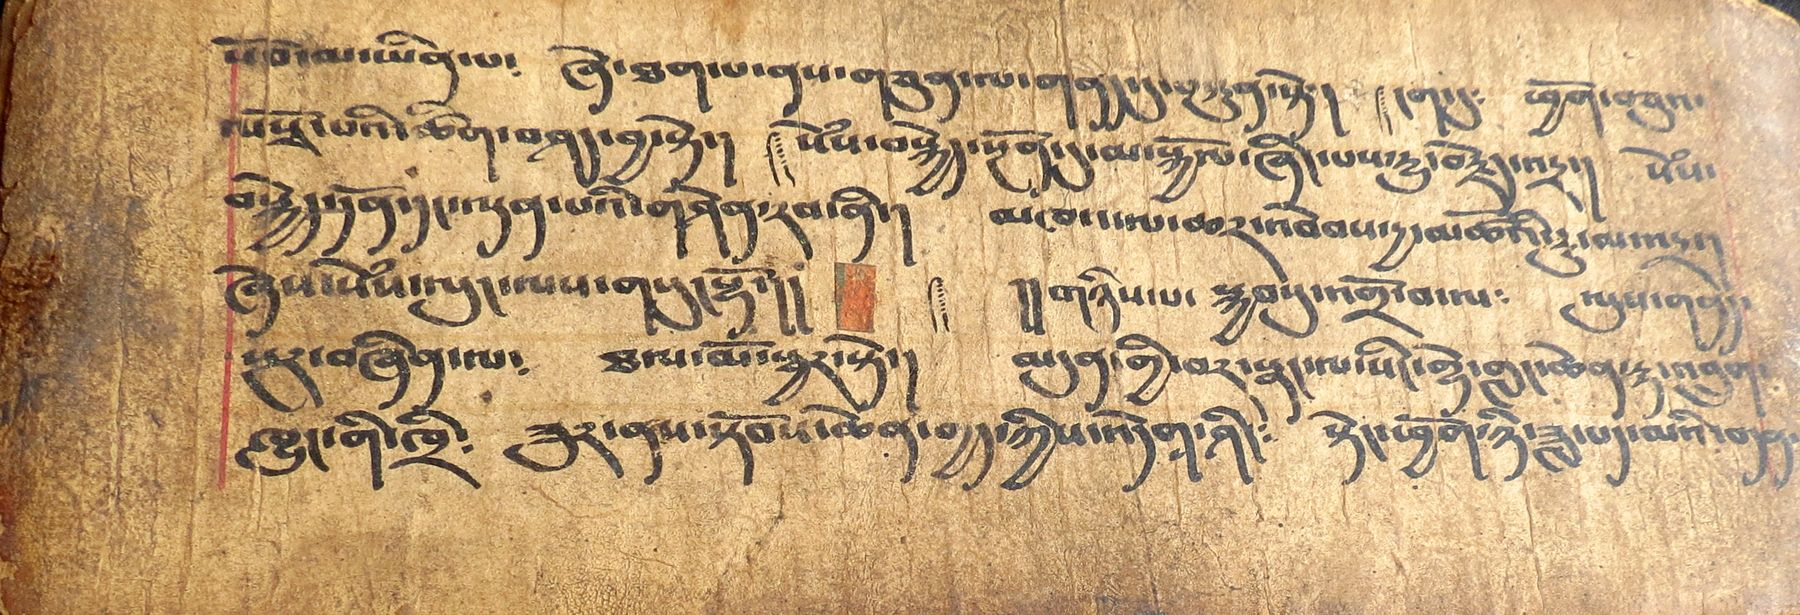སོབ་མ་ཡིན་པ། ཞེ་ཐག་པ་ནས་གཅུན་ལ། ཡང་ཡང་གནད་དུ་བསྣུན་ཏེ། ངག་ཏུ། ཕྱོགས་བཅུ། 
ལ་སོགས་པའི་ཚིག་བཤད་བྱ་སྟེ། སེམས་བསྐྱེད་སྔོན་དུ་མ་སྐྱོལ་ཞིང་པས་རྒྱུ་བརྗེད་འདྲ། སེམས་
བསྐྱེད་དོན་དང་ལྡན་པའི་གཤེན་རབ་ནི། མཁའ་ལས་ཆར་འབབ་རྒྱ་མཚོའི་རུ་མ་འདྲ། 
ཞེས་སེམས་ལུང་ལས་གསུངས་སོ། ། གཉིས་པ་སྐྱབས་སུ་འགྲོ་བ་ལ། ལུས་གནད་
སྔར་བཞིན་ལ། ཐལ་མོ་སྦྱར་ཏེ། མདུན་གྱི་བར་སྣང་ལ་སེང་གེ་གླང་ཆེན་རྟ་འབྲུག་
ཁྱུང་གི་ཁྲི། ཟུར་ནས་སྟོབས་ཆེན་བརྒྱད་༼གྱད་༽ཀྱིས་འདེགས་ཤིང་། སྟེང་ཕྱོགས་ཉི་ཟླ་པད་མའི་གདན་